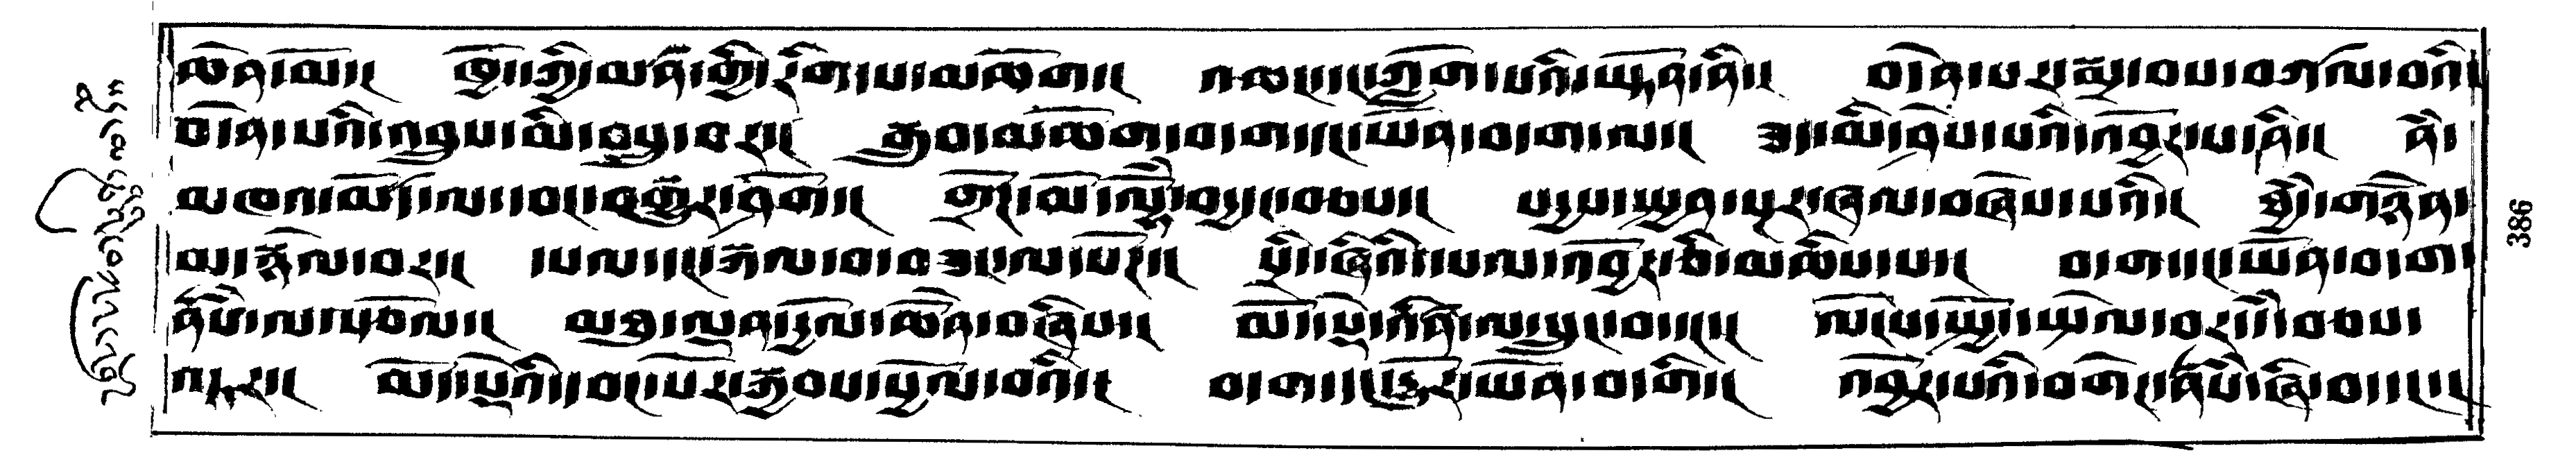ཆེན་མོ། །ཁྱོད་ཀྱི་མཚན་གྱི་རིག་པ་མཆོག །འཆང་དང་ཀློག་པའི་ཡོན་ཏན་ནི། །བདེན་པར་སྨྲ་བས་བཀའ་བསྩལ་པའི། །
བདེན་པའི་འབྲས་བུ་མི་བསླུ་བར། སྒྲུབ་མཆོག་བདག་དང་ཡོན་བདག་ལ། །ཟད་མི་ཤེས་པའི་འབྱོར་པ་ནི། །
ནམ་མཁའ་མཛོད་ལ་དབང་བསྒྱུར་ཤོག །གྲོགས་མོ་ལྷ་མོ་བརྒྱད་དང་བཅས། །སངས་རྒྱས་སྤྱན་སྔར་ཞལ་བཞེས་པའི། །ཐུགས་དམ་གཉེན་
པོ་མ་སྙེལ་བར། །དཔལ་དང་སྐལ་བ་བཟང་ལ་སོགས། །སྲིད་ཞིའི་དཔལ་འབྱོར་ཅི་མཆིས་པ། །བདག་དང་ཡོན་བདག་
རྣམས་ལ་སྩོལ། །མཐུ་ལྡན་རྒྱལ་པོ་ཆེན་པོ་བཞིས། །མདོ་སྡེ་འཛིན་ལ་སྲུང་བ་དང་། །ལོངས་སྤྱོད་སྤེལ་བར་དམ་བཅས་
ལྟར། །མདོ་སྡེའི་དབང་པོར་སྐྱབས་གསོལ་བའི། །བདག་དང་རྒྱུ་སྦྱོར་ཡོན་བདག་གི། །འབྱོར་པའི་བགེགས་རྣམས་ཞི་བ་དང་། །